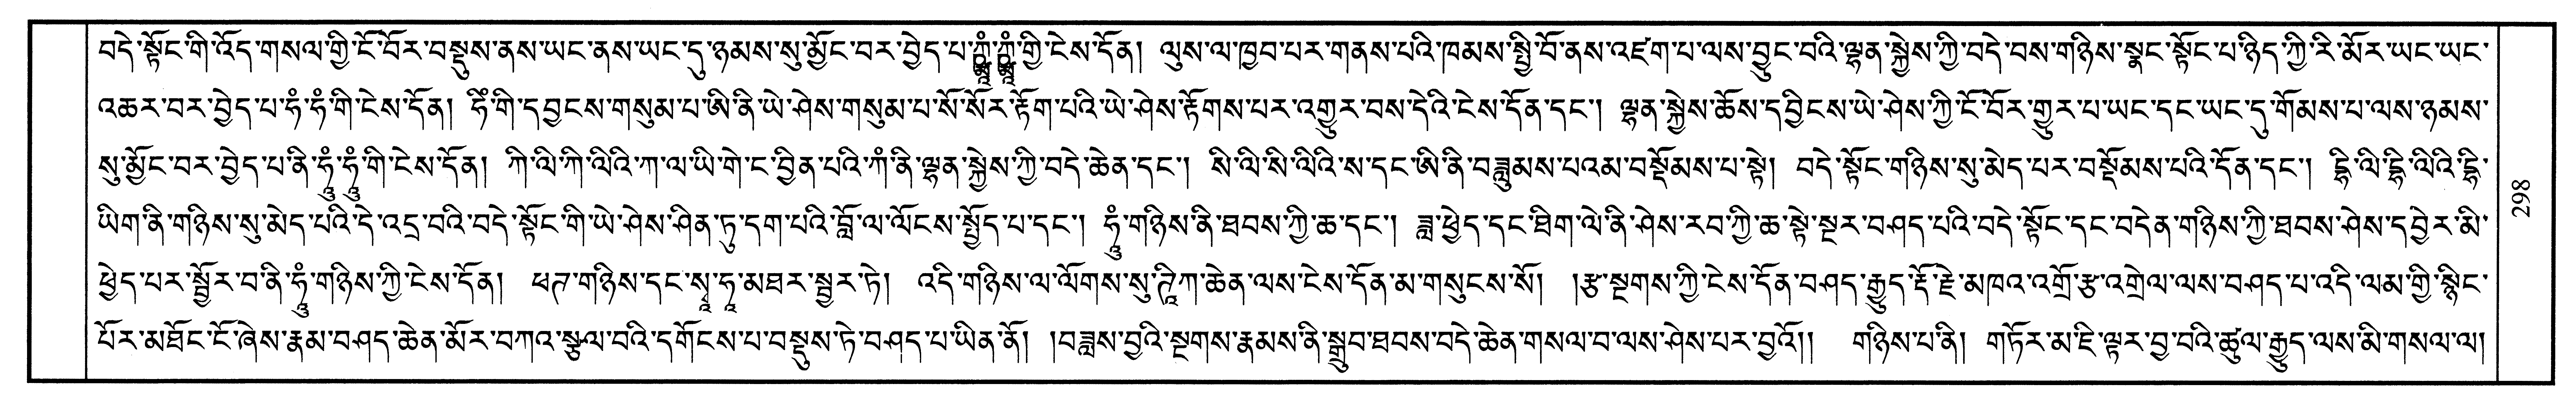བདེ་སྟོང་གི་འོད་གསལ་གྱི་ངོ་བོར་བསྡུས་ནས་ཡང་ནས་ཡང་དུ་ཉམས་སུ་མྱོང་བར་བྱེད་པ་ཀྵྨཱཾ་ཀྵྨཱཾ་གྱི་ངེས་དོན། ལུས་ལ་ཁྱབ་པར་གནས་པའི་ཁམས་སྤྱི་བོ་ནས་འཛག་པ་ལས་བྱུང་བའི་ལྷན་སྐྱེས་ཀྱི་བདེ་བས་གཉིས་སྣང་སྟོང་པ་ཉིད་ཀྱི་རི་མོར་ཡང་ཡང་
འཆར་བར་བྱེད་པ་ཧཾ་ཧཾ་གི་ངེས་དོན། ཧིཾ་གི་དབྱངས་གསུམ་པ་ཨི་ནི་ཡེ་ཤེས་གསུམ་པ་སོ་སོར་རྟོག་པའི་ཡེ་ཤེས་རྟོགས་པར་འགྱུར་བས་དེའི་ངེས་དོན་དང་། ལྷན་སྐྱེས་ཆོས་དབྱིངས་ཡེ་ཤེས་ཀྱི་ངོ་བོར་གྱུར་པ་ཡང་དང་ཡང་དུ་གོམས་པ་ལས་ཉམས་
སུ་མྱོང་བར་བྱེད་པ་ནི་ཧཱུཾ་ཧཱུཾ་གི་ངེས་དོན། ཀི་ལི་ཀི་ལིའི་ཀ་ལ་ཡི་གེ་ང་བྱིན་པའི་ཀཾ་ནི་ལྷན་སྐྱེས་ཀྱི་བདེ་ཆེན་དང་། སི་ལི་སི་ལིའི་ས་དང་ཨི་ནི་བཟླུམས་པའམ་བསྡོམས་པ་སྟེ། བདེ་སྟོང་གཉིས་སུ་མེད་པར་བསྡོམས་པའི་དོན་དང་། དྷི་ལི་དྷི་ལིའི་དྷི་
ཡིག་ནི་གཉིས་སུ་མེད་པའི་དེ་འདྲ་བའི་བདེ་སྟོང་གི་ཡེ་ཤེས་ཤིན་ཏུ་དག་པའི་བློ་ལ་ལོངས་སྤྱོད་པ་དང་། ཧཱུཾ་གཉིས་ནི་ཐབས་ཀྱི་ཆ་དང་། ཟླ་ཕྱེད་དང་ཐིག་ལེ་ནི་ཤེས་རབ་ཀྱི་ཆ་སྟེ་སྔར་བཤད་པའི་བདེ་སྟོང་དང་བདེན་གཉིས་ཀྱི་ཐབས་ཤེས་དབྱེར་མི་
ཕྱེད་པར་སྦྱོར་བ་ནི་ཧཱུཾ་གཉིས་ཀྱི་ངེས་དོན། ཕཊ་གཉིས་དང་སྭཱ་ཧཱ་མཐར་སྦྱར་ཏེ། འདི་གཉིས་ལ་ལོགས་སུ་ཊཱིཀ་ཆེན་ལས་ངེས་དོན་མ་གསུངས་སོ། །རྩ་སྔགས་ཀྱི་ངེས་དོན་བཤད་རྒྱུད་རྡོ་རྗེ་མཁའ་འགྲོ་རྩ་འགྲེལ་ལས་བཤད་པ་འདི་ལམ་གྱི་སྙིང་
པོར་མཐོང་ངོ་ཞེས་རྣམ་བཤད་ཆེན་མོར་བཀའ་སྩལ་པའི་དགོངས་པ་བསྡུས་ཏེ་བཤད་པ་ཡིན་ནོ། །བཟླས་བྱའི་སྔགས་རྣམས་ནི་སྒྲུབ་ཐབས་བདེ་ཆེན་གསལ་བ་ལས་ཤེས་པར་བྱའོ།། གཉིས་པ་ནི། གཏོར་མ་ཇི་ལྟར་བྱ་བའི་ཚུལ་རྒྱུད་ལས་མི་གསལ་ལ།